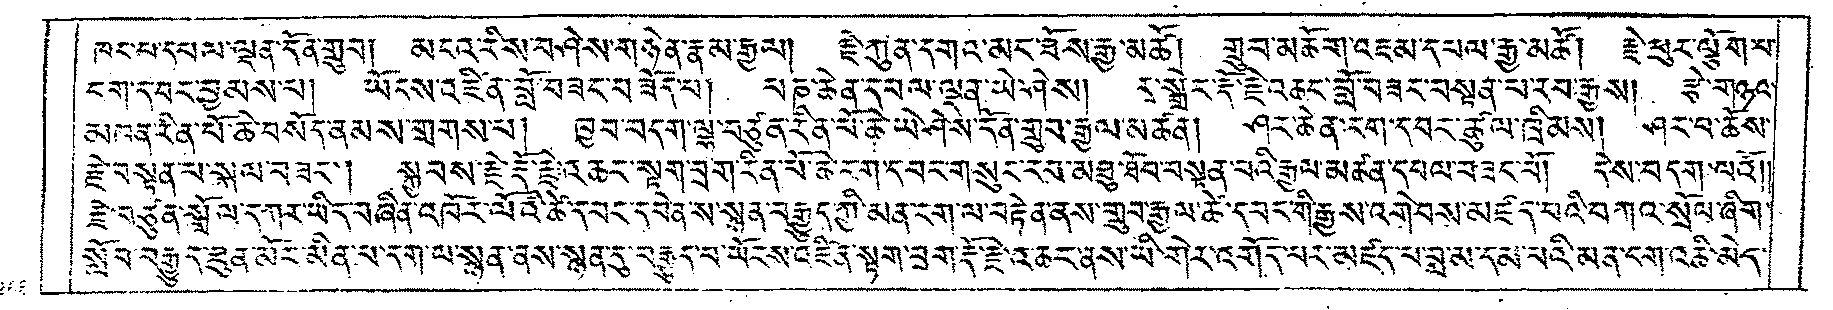ཁང་པ་དཔལ་ལྡན་དོན་གྲུབ། མངའ་རིས་བཤེས་གཉེན་རྣམ་རྒྱལ། རྗེ་ཀུན་དགའ་མང་ཐོས་རྒྱ་མཚོ། གྲུབ་མཆོག་འཇམ་དཔལ་རྒྱ་མཚོ། རྗེ་ཕུར་ལྕོག་པ་
ངག་དབང་བྱམས་པ། ཡོངས་འཛིན་བློ་བཟང་བཟོད་པ། པཎ་ཆེན་དཔལ་ལྡན་ཡེ་ཤེས། རྭ་སྒྲེང་རྡོ་རྗེ་འཆང་བློ་བཟང་བསྟན་པ་རབ་རྒྱས། རྩེ་གཉའ་
མཁན་རིན་པོ་ཆེ་བསོད་ནམས་གྲགས་པ། ཁྱབ་བདག་ལྷ་བཙུན་རིན་པོ་ཆེ་ཡེ་ཤེས་དོན་གྲུབ་རྒྱལ་མཚན། ཤར་ཆེན་ངག་དབང་ཚུལ་ཁྲིམས། ཤར་པ་ཆོས་
རྗེ་བསྟན་པ་སྐལ་བཟང་། སྐྱབས་རྗེ་རྡོ་རྗེ་འཆང་སྟག་བྲག་རིན་པོ་ཆེ་ངག་དབང་གསུང་རབ་མཐུ་ཐོབ་བསྟན་པའི་རྒྱལ་མཚན་དཔལ་བཟང་པོ། དེས་བདག་ལའོ། །
རྗེ་བཙུན་སྒྲོལ་དཀར་ཡིད་བཞིན་འཁོར་ལོའི་ཚེ་དབང་དབེན་ས་སྙན་བརྒྱུད་ཀྱི་མན་ངག་ལ་བརྟེན་ནས་གྲུབ་རྒྱལ་ཚེ་དབང་གི་རྒྱས་འགེབས་མཛད་པའི་བཀའ་སྲོལ་ཞིག་
སློབ་བརྒྱུད་ཐུན་མོང་མིན་པ་དག་ལ་སྙན་ནས་སྙན་དུ་བརྒྱུད་པ་ཡོངས་འཛིན་སྟག་བྲག་རྡོ་རྗེ་འཆང་ནས་ཡི་གེར་འགོད་པར་མཛད་པ་བླ་མ་དམ་པའི་མན་ངག་འཆི་མེད་